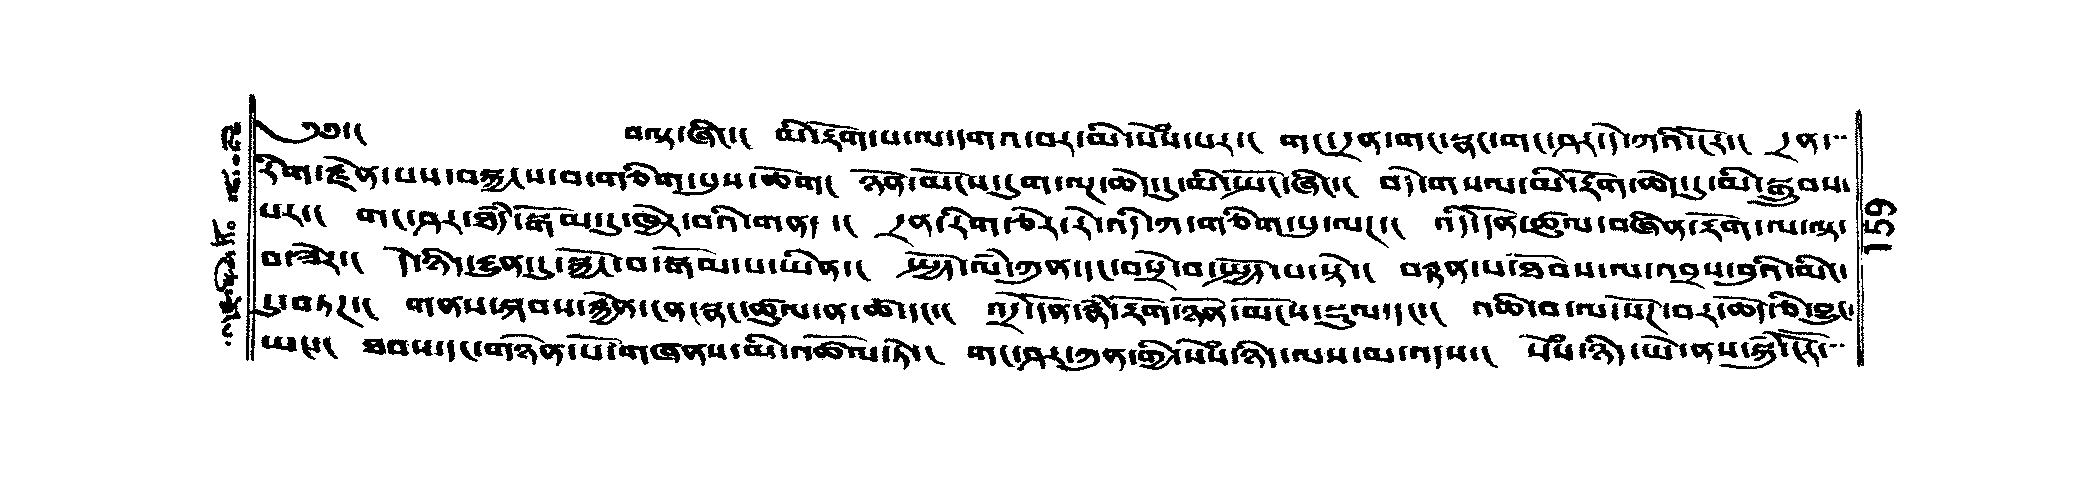བལྟ་ཞིང་། །མི་རྟོག་པ་ལ་དགའ་བར་མི་སེམས་པར། །གང་དྲན་གང་སྣང་གང་ཤར་དེ་ཀའི་ངོར། །དྲན་
རིག་རྗེན་པས་བསྐྱངས་བ་གཅིག་པུས་ཆོག །ཉོན་མོངས་དུག་ལྔ་ཆེད་དུ་མི་སྤོང་ཞིང་། །བདེ་གསལ་མི་རྟོག་ཆེད་དུ་མི་སྒྲུབས་
པར། །གང་ཤར་ཐམས་ཅད་སྒོམ་དུ་ཁྱེར་བའི་གནང་། །དྲན་རིག་ཅེར་རེ་འདི་ཀ་གཅིག་པུ་ལགས། །འདི་དོན་ཚུལ་བཞིན་རྟོགས་ལ་ལྟ་
བ་ཟེར། །དེ་ཉིད་རྒྱུན་དུ་སྐྱོང་བ་སྒོམ་པ་ཡིན། །སྤྱོད་ལམ་ཀུན་དང་བསྲེ་བ་སྤྱོད་པ་སྟེ། །བརྟན་པ་ཐོབས་ལ་འབྲས་བུའི་མིང་
དུ་བཏགས། །གནས་སྐབས་རྐྱེན་ངན་སྣང་ཚུལ་ན་ཚ་དང་། །འདྲེ་གདོན་རྣམ་རྟོག་ཉོན་མོངས་སྡུག་བསྔལ་དང་། །འཆི་བ་ལ་སོགས་བར་ཆད་ཅི་བྱུང་
ཡང་། །ཐབས་དང་གཉེན་པོ་གཞན་ནས་མི་འཚོལ་ཏེ། །གང་ཤར་ཀུན་གྱི་སེམས་ཉིད་ལས་མ་འདས། །སེམས་ཉིད་ཡེ་ནས་སྐུ་གསུམ་རང་ངོར་